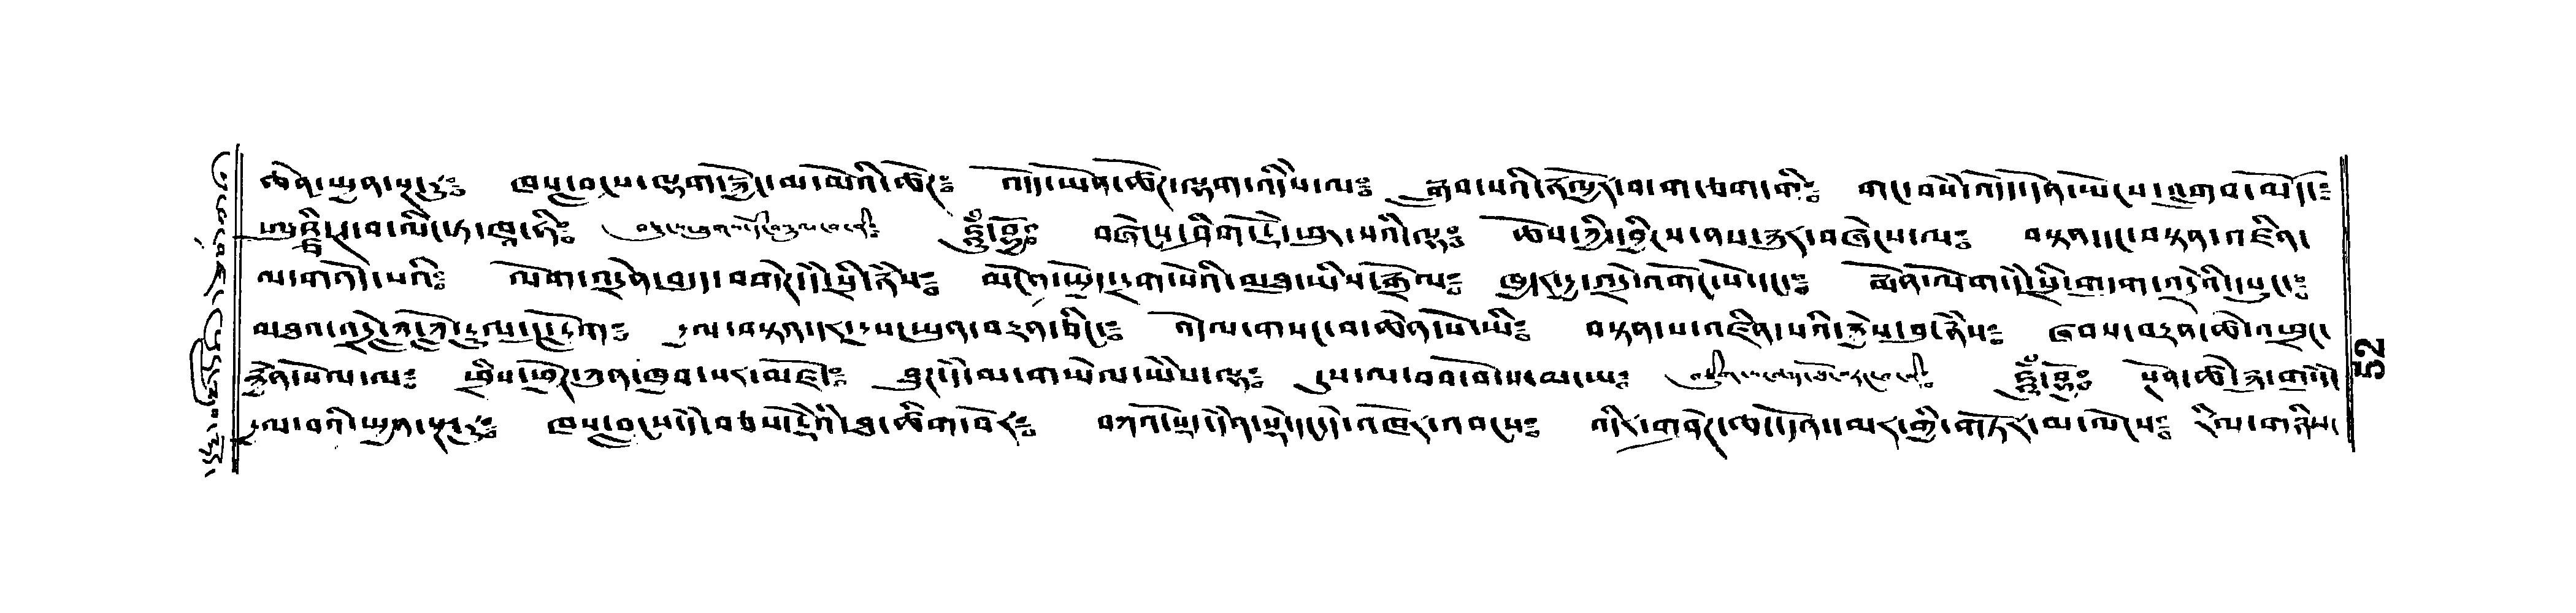ཆེན་སྤྱན་སྔ་རུ༔ ཁས་བླངས་ལྷག་སྐྱོང་མ་མོའི་ཚོགས༔ འདོད་ཡོན་ཚོགས་ལྷག་འདི་བཞེས་ལ༔ སྒྲུབ་པའི་རྣལ་འབྱོར་བདག་ཅག་གི༔ གང་བསམ་འདོད་དོན་ཡོངས་འགྲུབ་མཛོད༔ 
ཨུཙྪིར་ཊ་བ་ལིང་ཏ་ཁཱ་ཧི༔ བཅུ་པ་ཐུགས་དམ་བསྐུལ་བ་ནི༔ ཧཱུྃ་བྷྱོ༔ བཞེངས་ཤིག་རྡོ་རྗེ་ཕུར་པའི་ལྷ༔ ཆོས་ཀྱི་དབྱིངས་ནས་སྐུར་བཞེངས་ལ༔བསྟན་དང་བསྟན་འཛིན་
ལ་གནོད་པའི༔ ལོག་འདྲེན་བདུད་བགེགས་དམ་སྲི་རྣམས༔ མངོན་སྤྱོད་དྲག་པོའི་མཐུ་ཡིས་སྒྲོལ༔ ཁྱད་པར་རྒྱ་འདྲེ་འགོང་པོ་དང༔ སྨོན་ལོག་དམ་སྲི་གདུག་འདྲེའི་དཔུང༔ 
མཐའ་འདྲེ་ཀླ་ཀློ་རྡུལ་དུ་རློག༔ རྒྱལ་བསྟན་དར་རྒྱས་ཡུན་བརྟན་ཅིང༔ འོད་གསལ་གསང་བ་ཆེན་པོ་ཡི༔ བསྟན་པ་འཛིན་པའི་སྐྱེས་བུ་རྣམས༔ ཞབས་བརྟན་ཚེ་འཕྲང་
རྐྱེན་སོལ་ལ༔ ཕྲིན་ལས་ཕྱོགས་ཀུན་ཁྱབ་པར་མཛོད༔ ཐུགས་དམ་མ་གཡེལ་ཡེ་ཤེས་ལྷ༔ དུས་ལ་བབ་བོ་ས་མ་ཡ༔ བཅུ་གཅིག་པ་ཆད་ཐོ་བཏང་བ་ནི༔ ཧཱུྃ་བྷྱོ༔ སྔོན་ཚེ་སྐུ་གསུམ་
རྒྱལ་བའི་སྤྱན་སྔ་རུ༔ ཁས་བླངས་དམ་བཅས་རྡོ་རྗེའི་ཐ་ཚིག་བོར༔ བཀའ་སྡོད་དམ་ཅན་སྡེ་དང་དེ་འཁོར་འབངས༔ འདིར་གཤེགས་ཆད་དོན་དམར་གྱི་གཏོར་མ་ལོངས༔ རིམ་གཉིས་